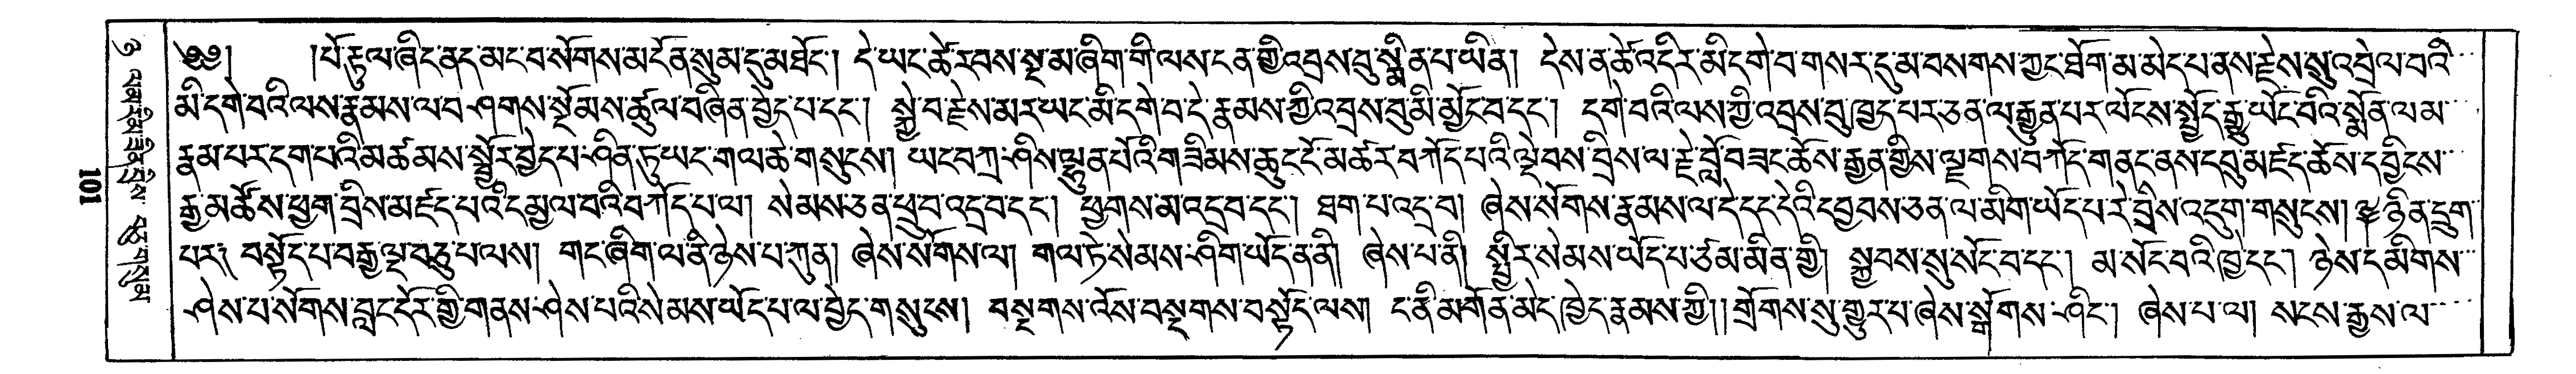༄༅། །པོ་རྟུལ་ཞིང་ནད་མང་བ་སོགས་མངོན་སུམ་དུ་མཐོང་། དེ་ཡང་ཚེ་རབས་སྔ་མ་ཞིག་གི་ལས་ངན་གྱི་འབྲས་བུ་སྨིན་པ་ཡིན། དེས་ན་ཚེ་འདིར་མི་དགེ་བ་གསར་དུ་མ་བསགས་ཀྱང་ཐོག་མ་མེད་པ་ནས་རྗེས་སུ་འབྲེལ་པའི་
མི་དགེ་བའི་ལས་རྣམས་ལ་བཤགས་སྡོམས་ཚུལ་བཞིན་བྱེད་པ་དང་། སྐྱེ་བ་རྗེས་མར་ཡང་མི་དགེ་བ་དེ་རྣམས་ཀྱི་འབྲས་བུ་མི་མྱོང་བ་དང་། དགེ་བའི་ལས་ཀྱི་འབྲས་བུ་ཁྱད་པར་ཅན་ལ་རྒྱུན་པར་ལོངས་སྤྱོད་རྒྱུ་ཡོད་བའི་སྨོན་ལམ་
རྣམ་པར་དག་པའི་མཚམས་སྦྱོར་བྱེད་པ་ཤིན་ཏུ་ཡང་གལ་ཆེ་གསུངས། ཡང་བཀྲ་ཤི་ལྷུན་པོའི་གཟིམས་ཆུང་ངོ་མཚར་བཀོད་བའི་ལྡེབས་བྲིས་ལ་རྗེ་བློ་བཟང་ཆོས་རྒྱན་གྱིས་ལྗགས་བཀོད་གནང་ནས་དབུ་མཛད་ཆོས་དབྱིངས་
རྒྱ་མཚོས་ཕྱག་བྲིས་མཛད་པའི་དམྱལ་བའི་བཀོད་པ་ལ། སེམས་ཅན་ཕྲུ་བ་འདྲ་བ་དང་། ཕྱགས་མ་འདྲ་བ་དང་། ཐག་པ་འདྲ་བ། ཞེས་སོགས་རྣམས་ལ་དེ་དང་དེའི་དབྱིབས་ཅན་ལ་མིག་ཡོད་པ་རེ་བྲིས་འདུག་གསུངས། ༈ ཉིན་དྲུག་
པར༑ བསྟོད་པ་བརྒྱ་ལྔ་བཅུ་པ་ལས། གང་ཞིག་ལ་ནི་ཉེས་པ་ཀུན། ཞེས་སོགས་ལ། གལ་ཏེ་སེམས་ཤིག་ཡོད་ན་ནི། ཞེས་པ་ནི། སྤྱིར་སེམས་ཡོད་བ་ཙམ་མིན་གྱི། སྐྱབས་སུ་སོང་བ་དང་། མ་སོང་བའི་ཁྱེད་པ། ཉེས་དམིགས་
ཤེས་པ་སོགས་བླང་དོར་གྱི་གནས་ཤེས་པའི་སེམས་ཡོད་པ་ལ་བྱེད་གསུངས། བསྔགས་འོས་བསྔགས་བསྟོད་ལས། ང་ནི་མགོན་མེད་ཁྱེད་རྣམས་ཀྱི། །གྲོགས་སུ་གྱུར་པ་ཞེས་སྒྲོགས་ཤིང་། ཞེས་པ་ལ། སངས་རྒྱས་ལ་